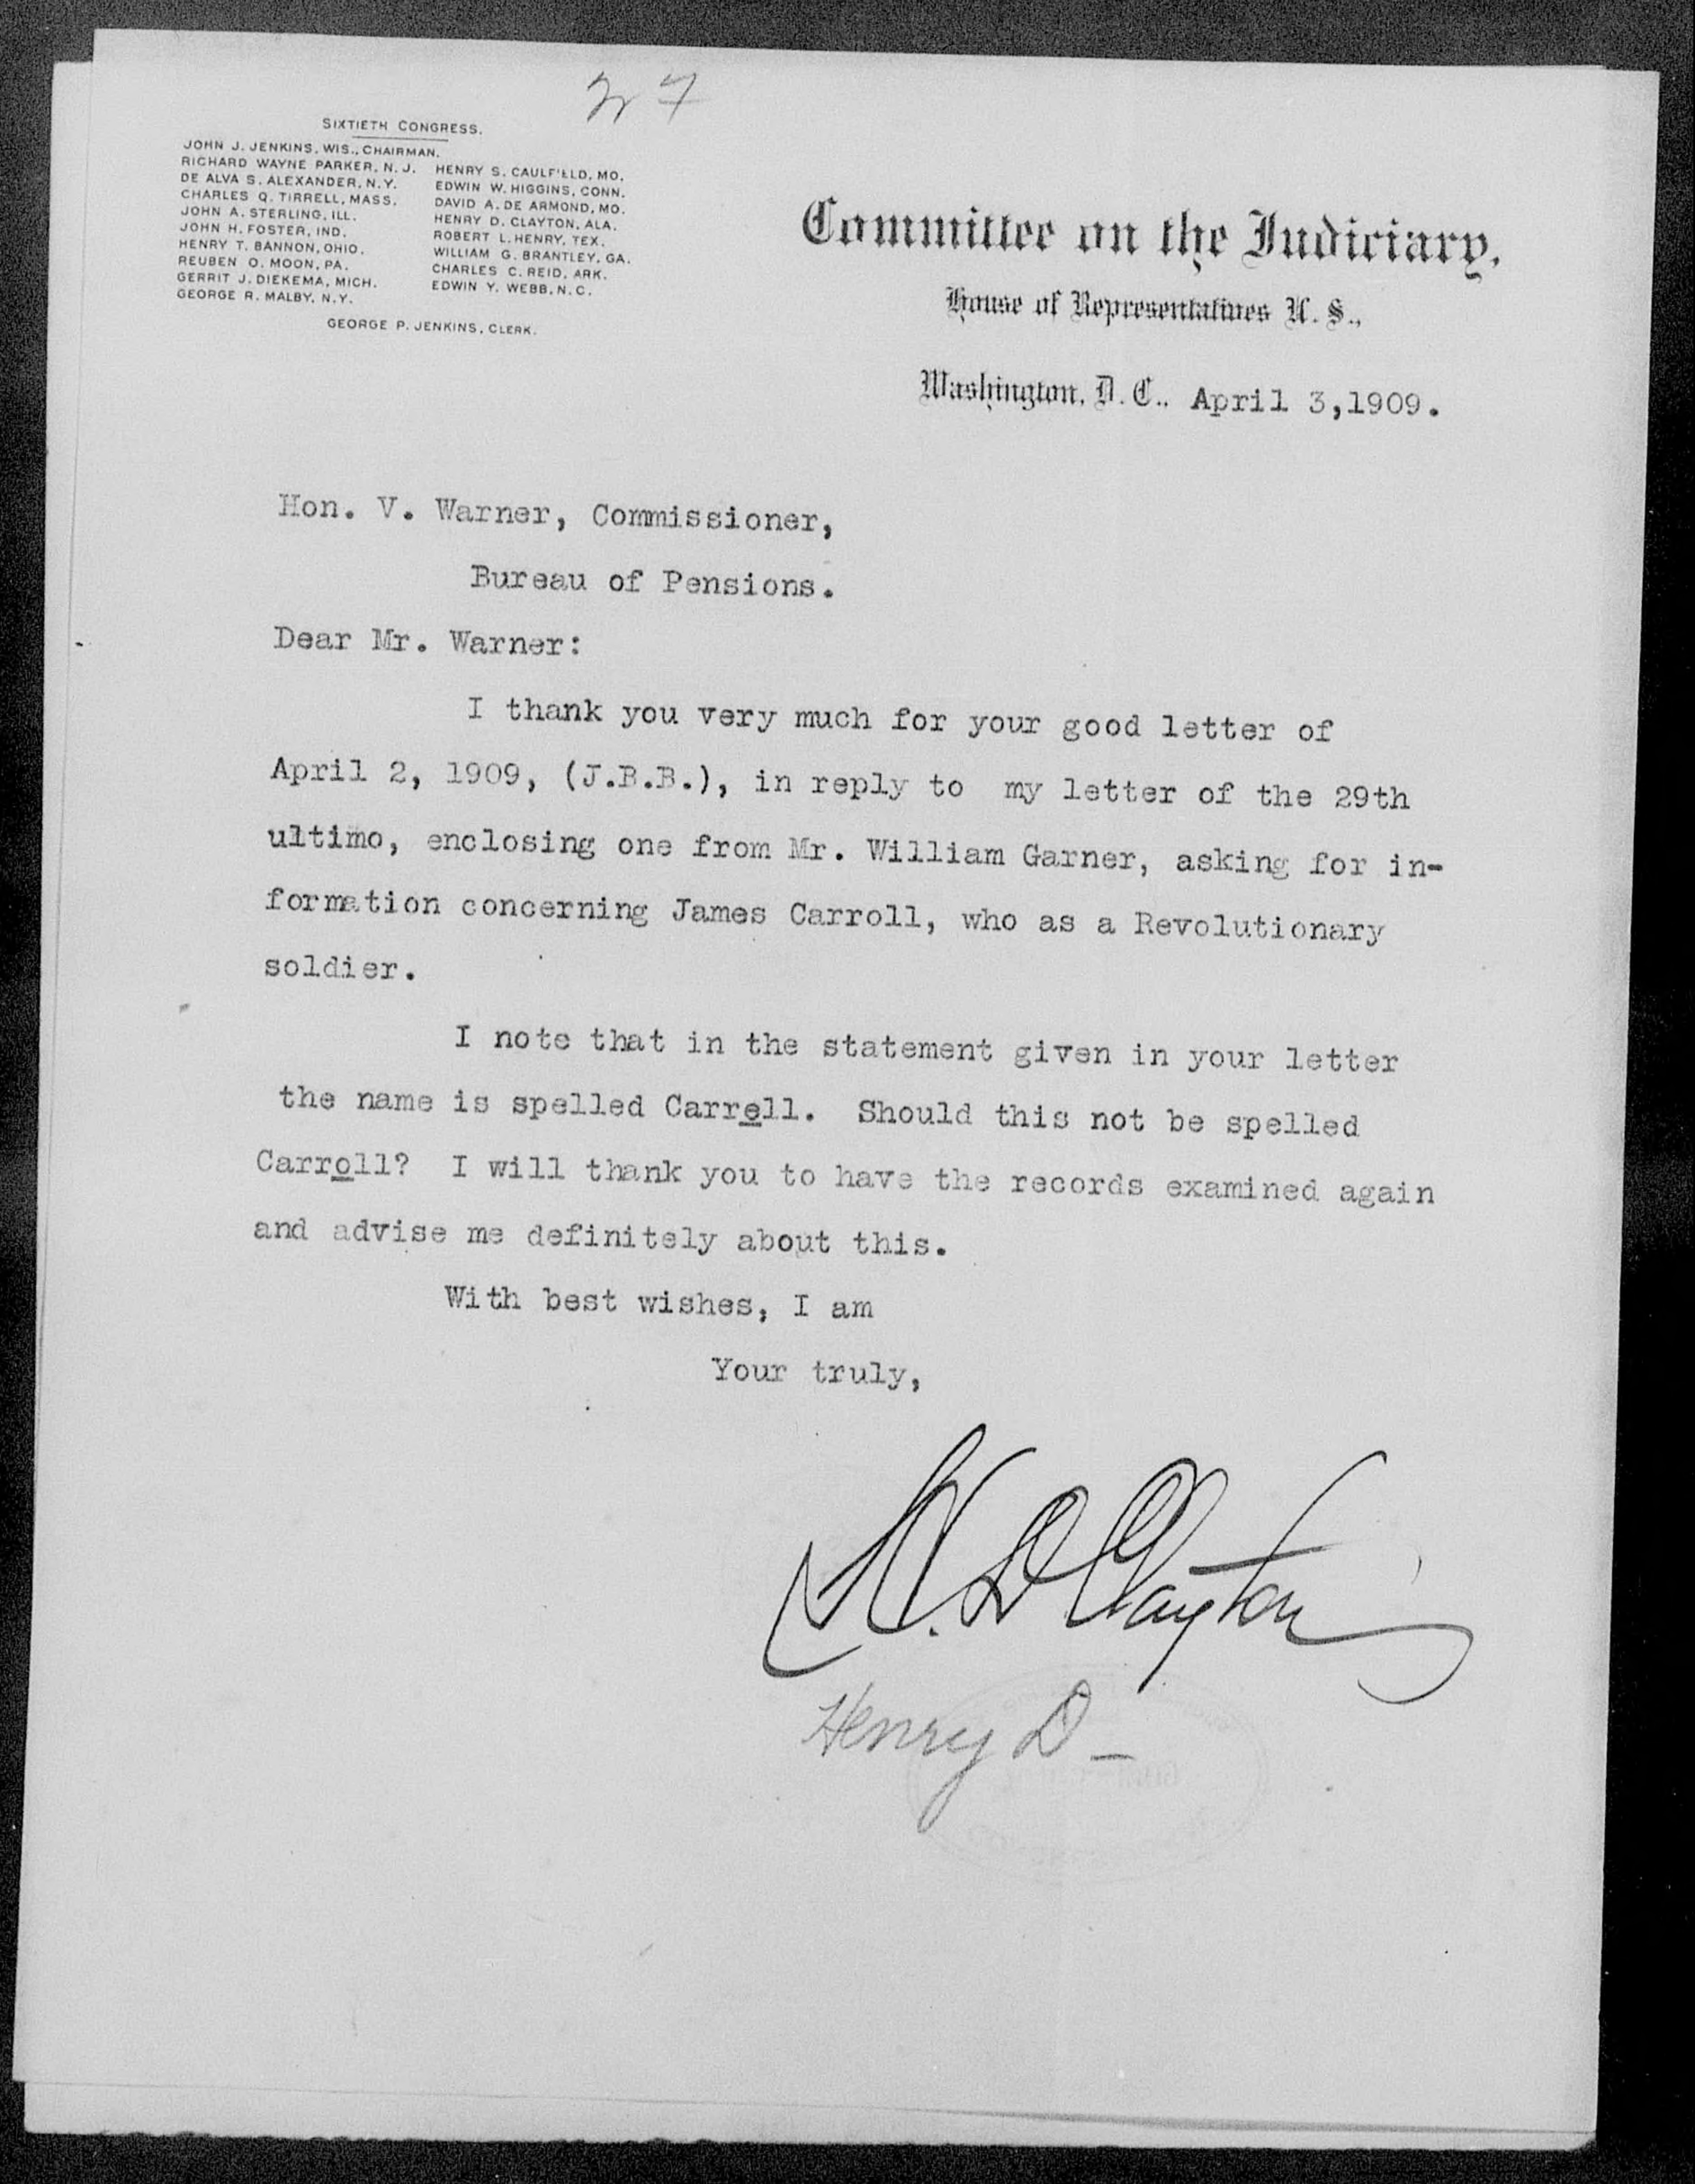[letterheard]
Sixtieth Congress
John J Jenkins, Wis...Chairman
Richard Wayne Parker, N.J.             Henry S. Caulfield, MO
De Alva S. Alexander, N.Y.                Edwin W. Higgins, Conn
Charles Q. Tirrell MA                        David A. De ARmond, MO
John A. Sterling, ILL                         Henry D. Clayton, Ala
John H. Foster, IND                          Robert L. Henry, Tex
Henry T. Bannon, Ohio                     William G. Brantley, GA
Reuben O. Moon , PA                        Charles C. Reid, Ark. 
Gerrit J. Diekema, Mich                     Edwin Y. Webb, N.C.
George R. Malby, N. Y.
George P. Jenkins, Clerk

Committee on the Judiciary
House of Representatives  U.S.
Washington, D.C. April 3,  1909

Hon. V. Warner, Commissioner
Bureau of Pensions

Dear Mr. Warner:
I thank you very much for your good letter of April 3, 1909, (J.B.B.), in reply to my letter of the 29th ultimo, enclosing one from Mr. William Garner, asking for information concerning James Carroll, who was a Revolutionary soldier.

I note that in the statement given in your letter the name is spelled Carrell.  Should this not be spelled Carroll?  I will thank you to have the records examined again and advise me definitely about this.

With best wishes, I am

Your  truly
H. D. Clayton
Henry D-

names: Gerrit J Diekema, James Carroll, William G Brantley, Robert L Henry, Henry T Bannon, Charles Q Tirrell, H D Clayton, Henry D, William Garner, John J Jenkins, George P Jenkins, Henry D Clayton, George R Malby, Reuben O Moon, John H Foster, Carrell, Richard Wayne Parker, Henry S Caulfield, Carroll, David A De Armond, V Warner, John A Sterling, Edwin W Higgins, Charles C Reid, Edwin Y Webb, De Alva B Alexander, Warner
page: 78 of 86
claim: widow's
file: W. 6899, James Carrell, N.C.